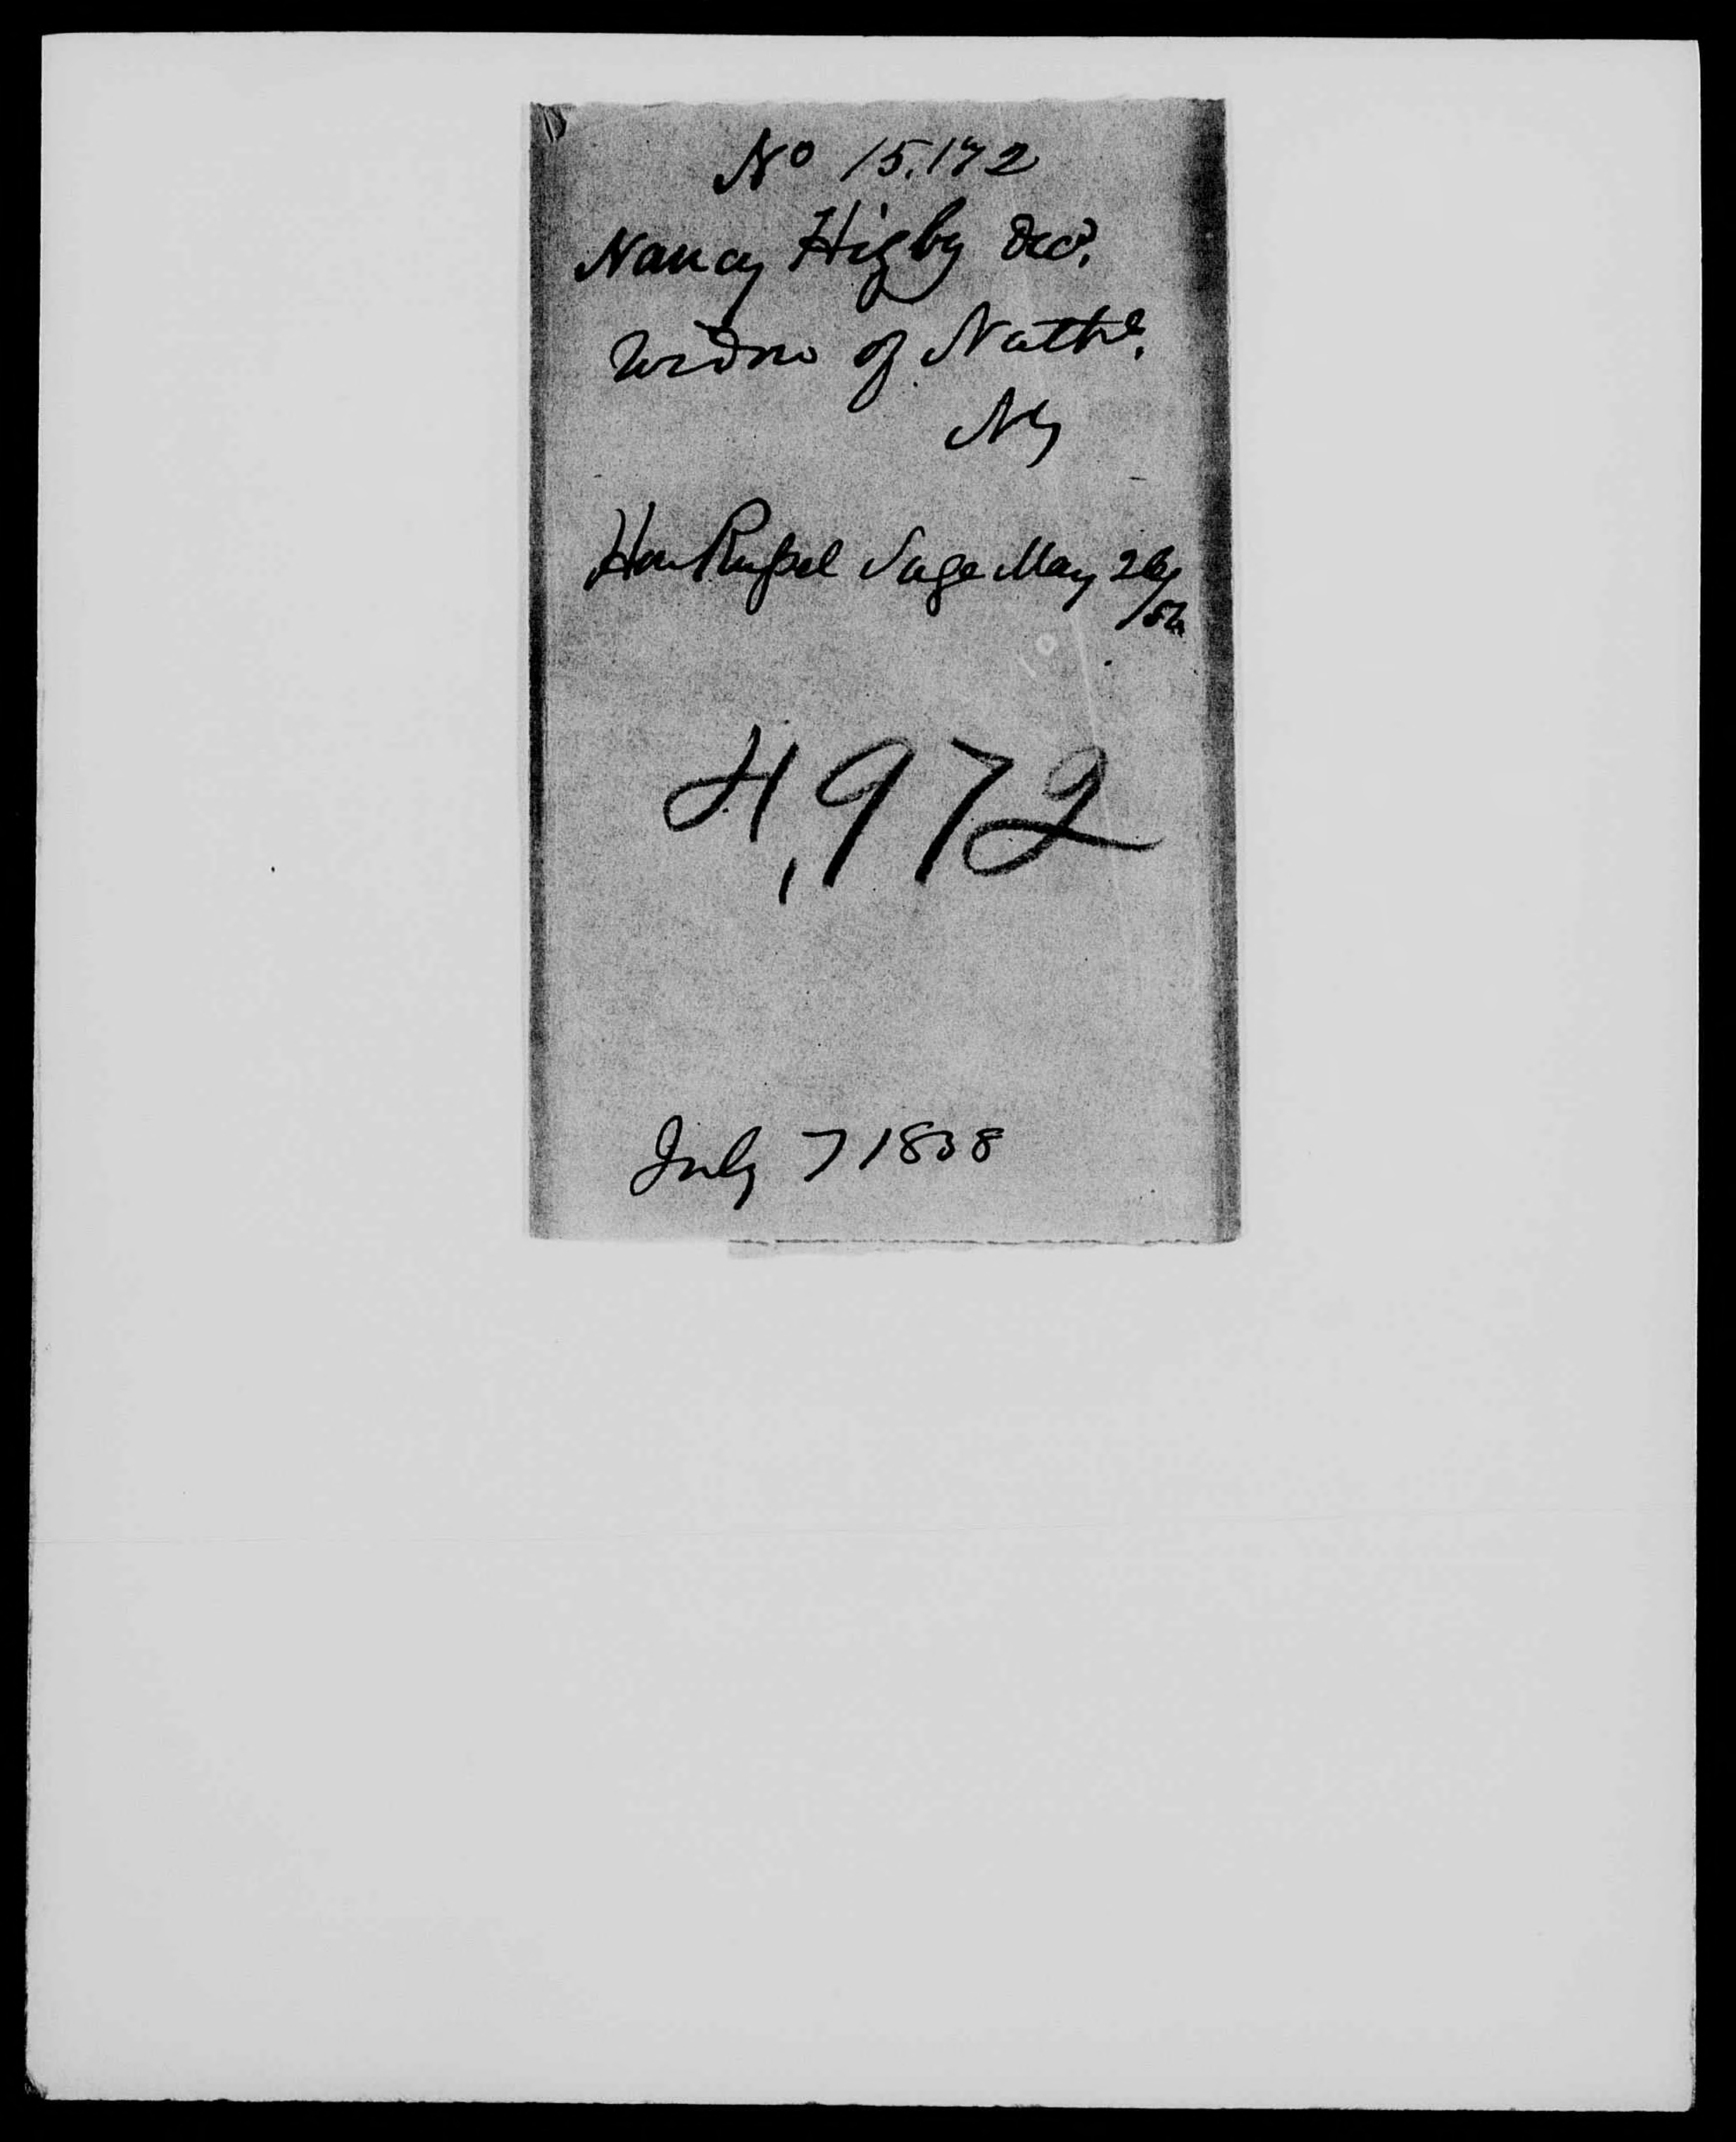No 15,172
Nancy Higby Dec.
Widow of Nathl.
NH
Hon Russel Sage May 26/54

H, 972

July 1 1838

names: Nathl Higby, Russel Sage, Nancy Higby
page: 23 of 25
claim: rejected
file: R. 4972, Nathaniel Higby, Conn.